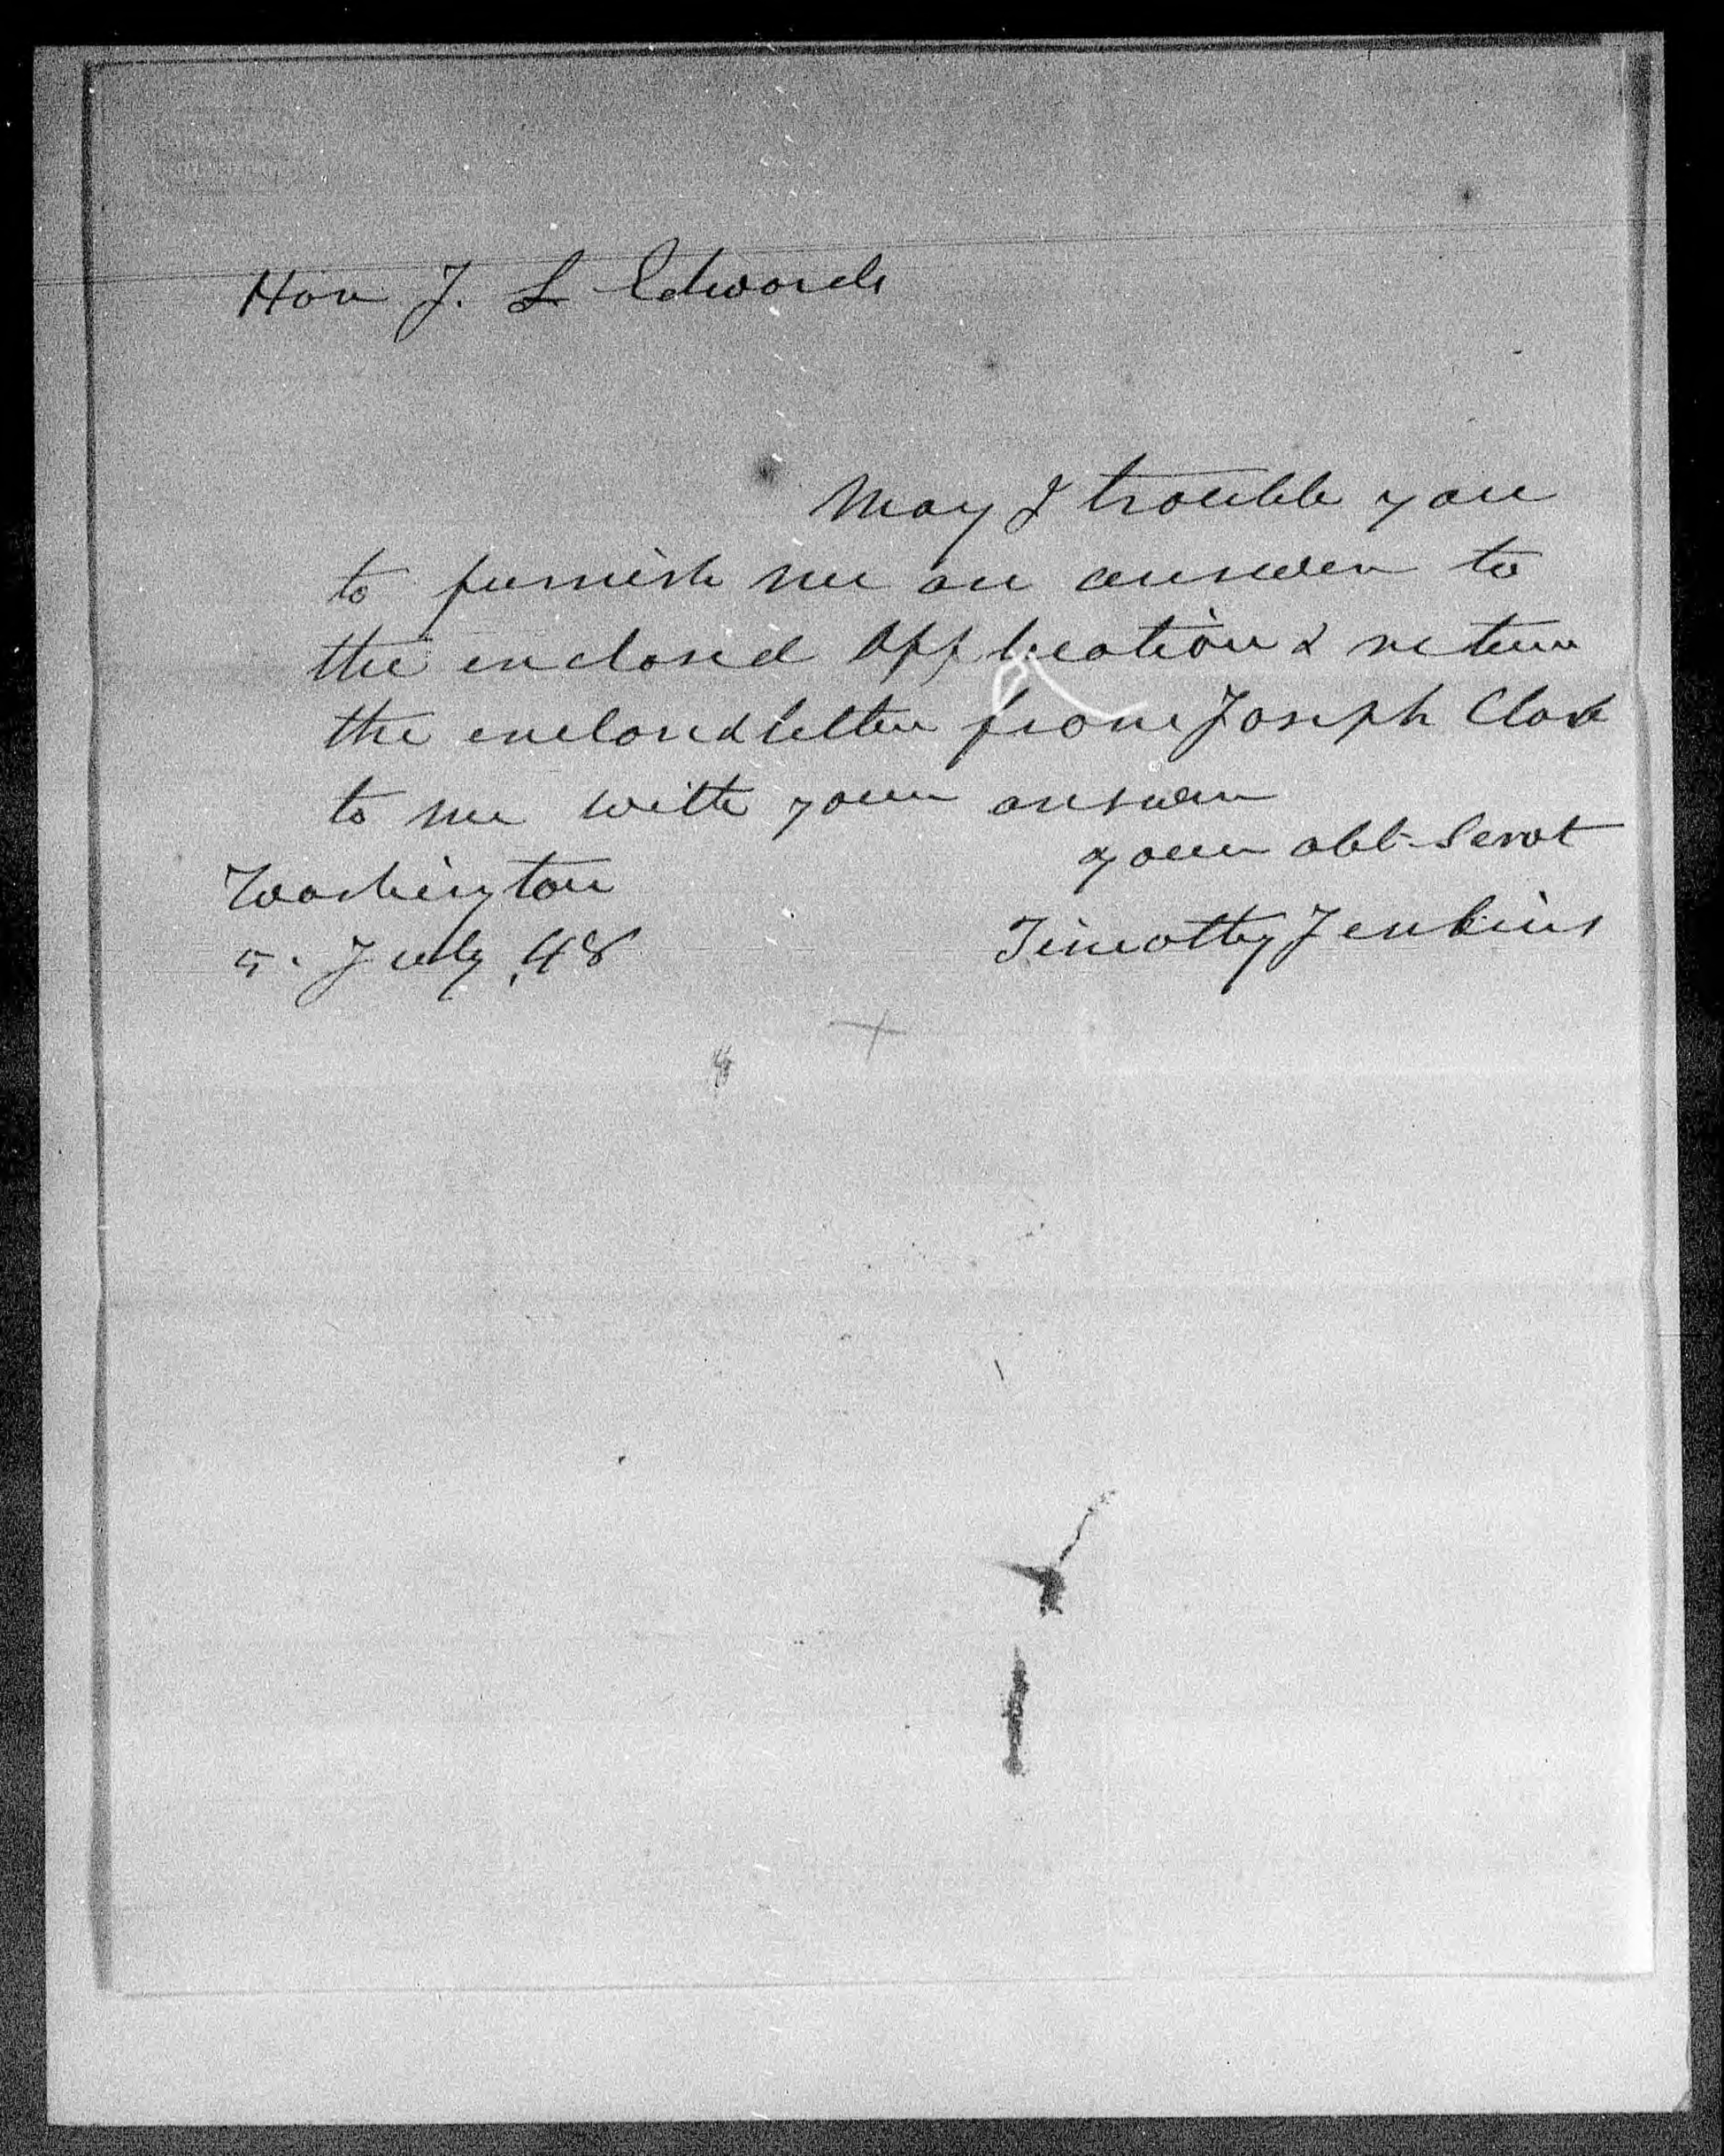Hon J. L. Edwards
May I trouble you to furnish me an answer to the enclosed application & return the enclosed letter from Joseph Clark to me with your answer
your obt servt 
Timothy Jenkins
Washington
5 July 48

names: Timothy Jenkins, Joseph Clork, J L Edwards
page: 33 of 60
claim: widow's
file: W. 19,537, Thomas Griffin, Conn.